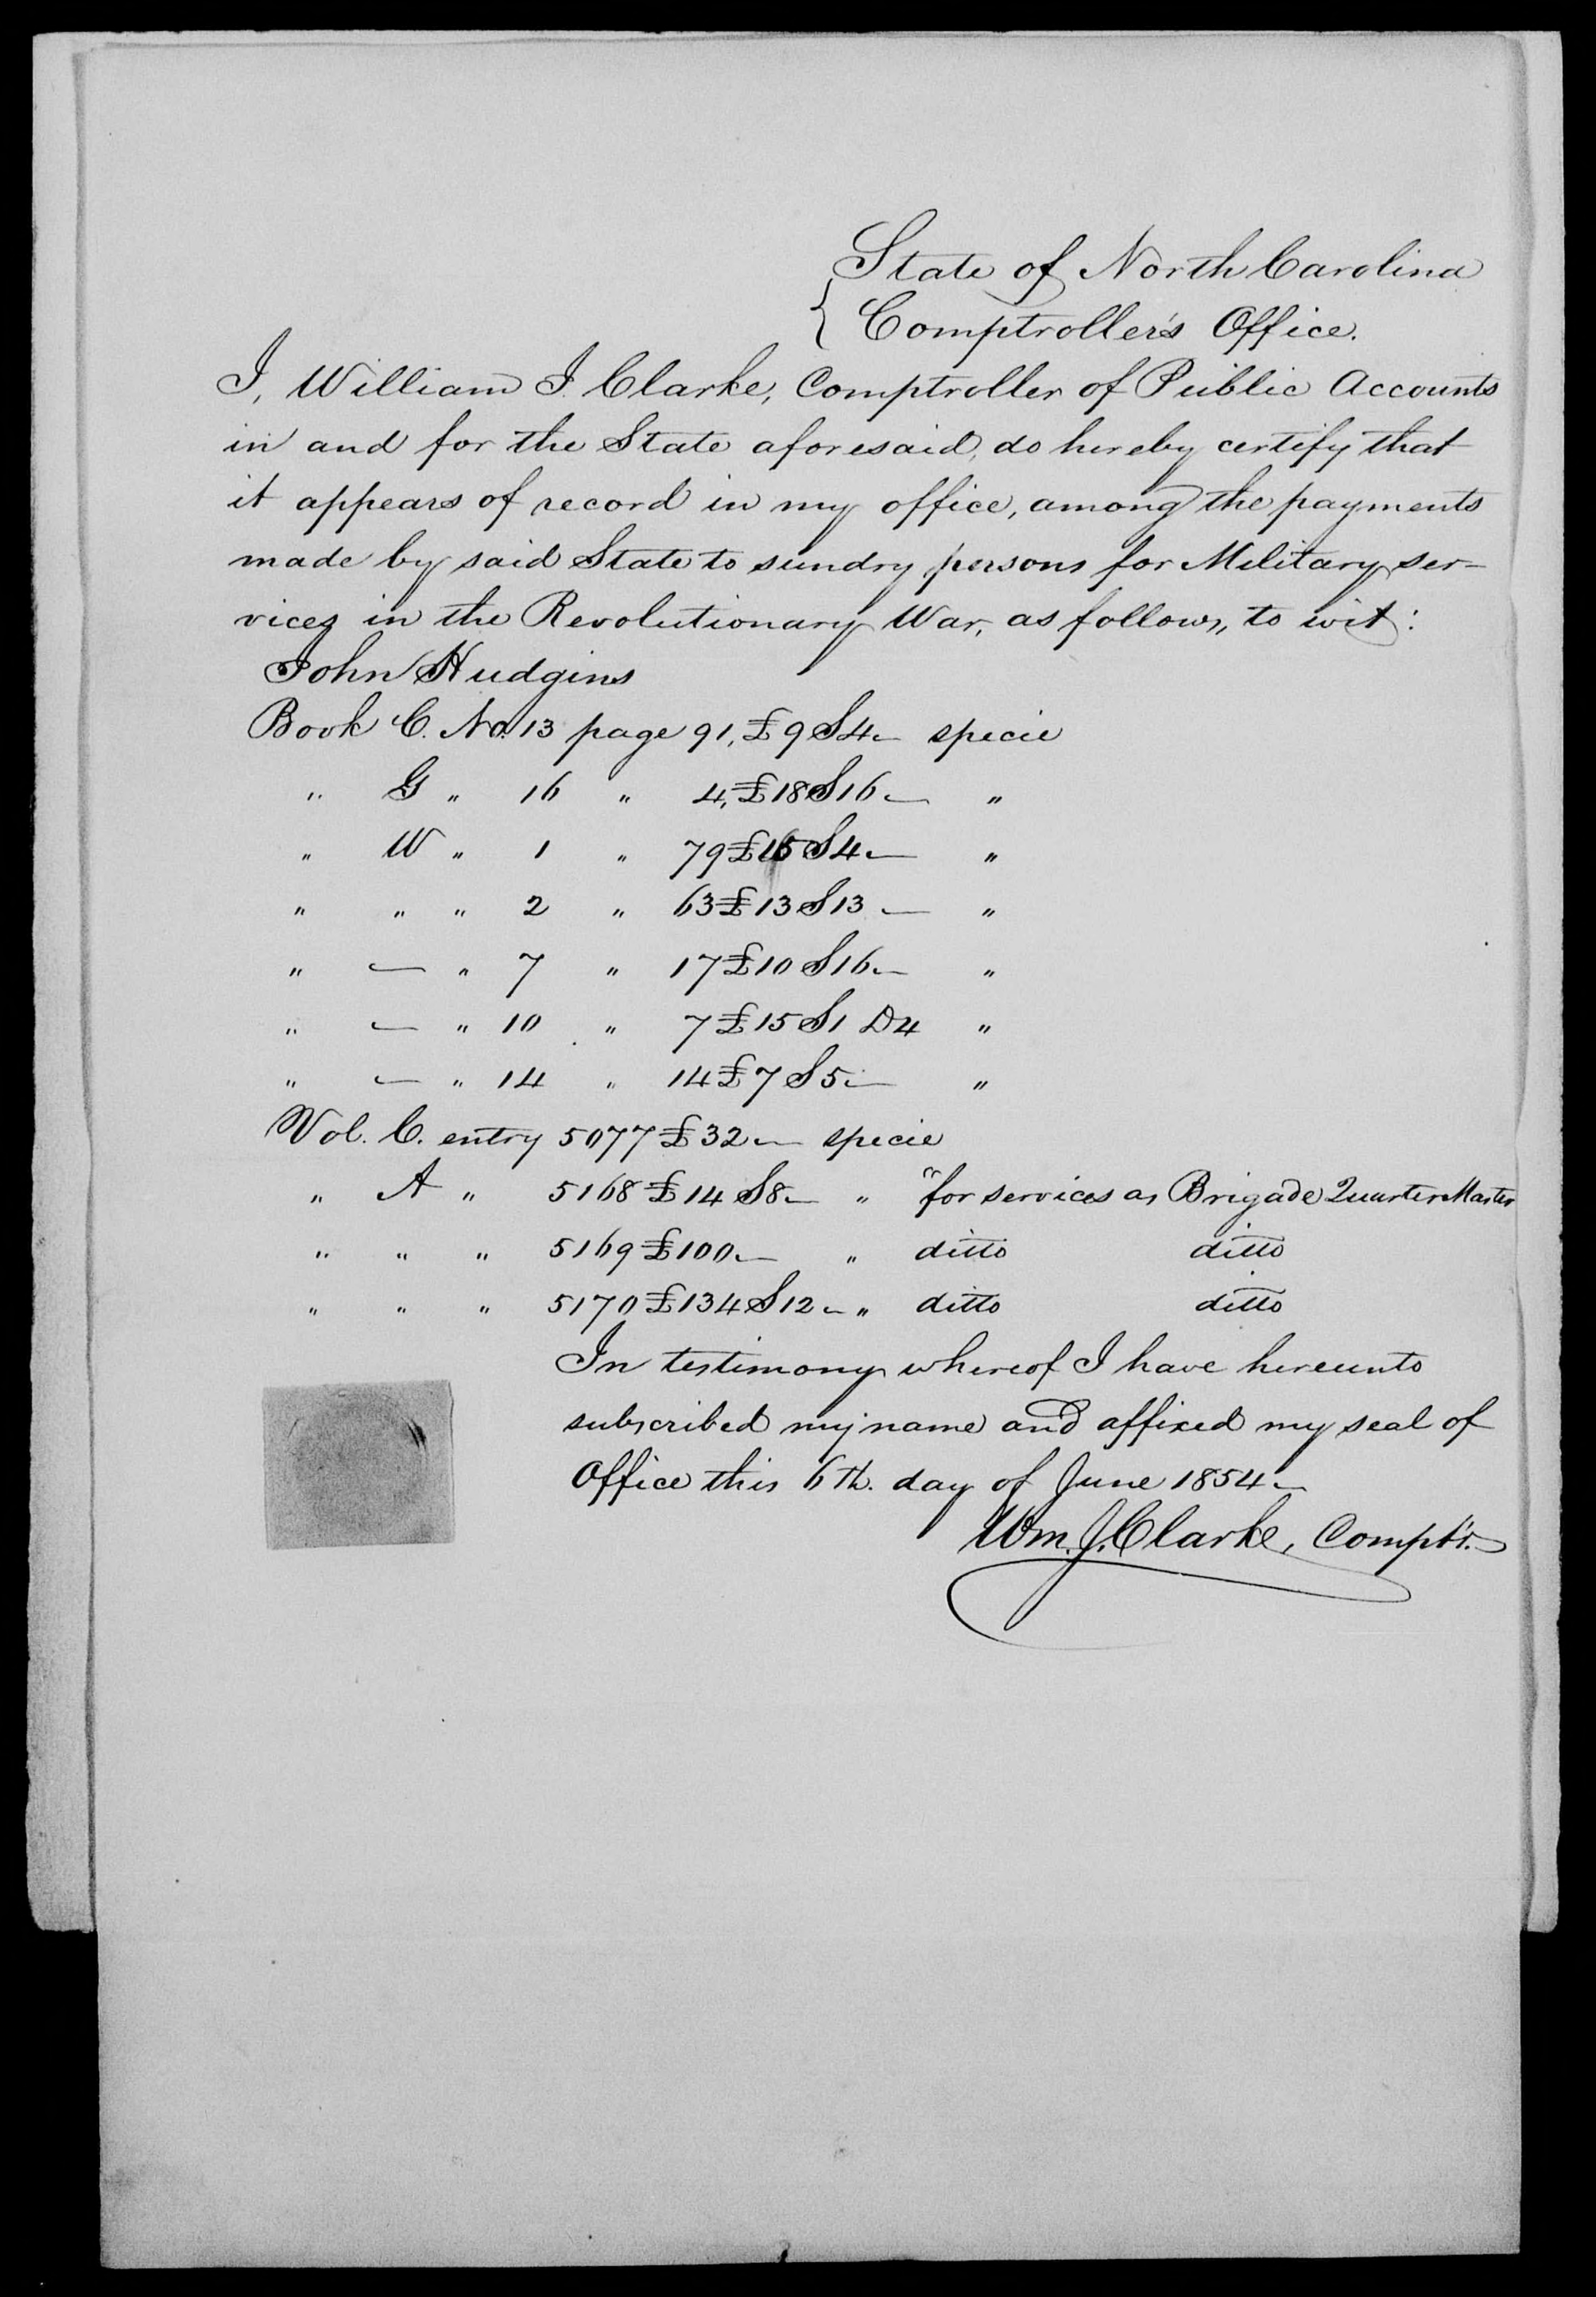State of North Carolina
{Comptroller’s Office
I William E. Clarke, Comptroller of Public Accounts in and for the State aforesaid do hereby certify that it appears of record in any office, among the payments made by said State to sundry persons for Military services in the Revolutionary War, as follows, to wit:
John Hudgins
Book Ctd 13 page 91, L9 SH-Specie
“ G “ 16 ‘ 4L18S16- “
“W” 1 “ 79L15 S4- “
“ “ “ 2 “ 63L13S13- “
“ - “ 7 “ 17L10S16- “
“ _ “ 10 “ 7L15S. Dr “
“ - “ 14 “ 14L7 S5- “
Vol. E entry 5077L32-specie
“ A “ 5168L14S8- “ for services as Brigade Quarter Master
“ “ “ 5169L100- “ Ditto
“ “ “ 5170L134S12- “ Ditto
In testimony whereof I have hereunto subscribed my name and affixed my seal of office this 6th day of June 1854
We J. Clarke, Compt
Seal on left side of page circular in nature but not legible.
Please note: In the list of payments the L had two straight horizontal lines in the middle of the L.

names: William J Clarke, John Hudgins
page: 106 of 108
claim: rejected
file: R. 7,515, John Hudgins, N.C.